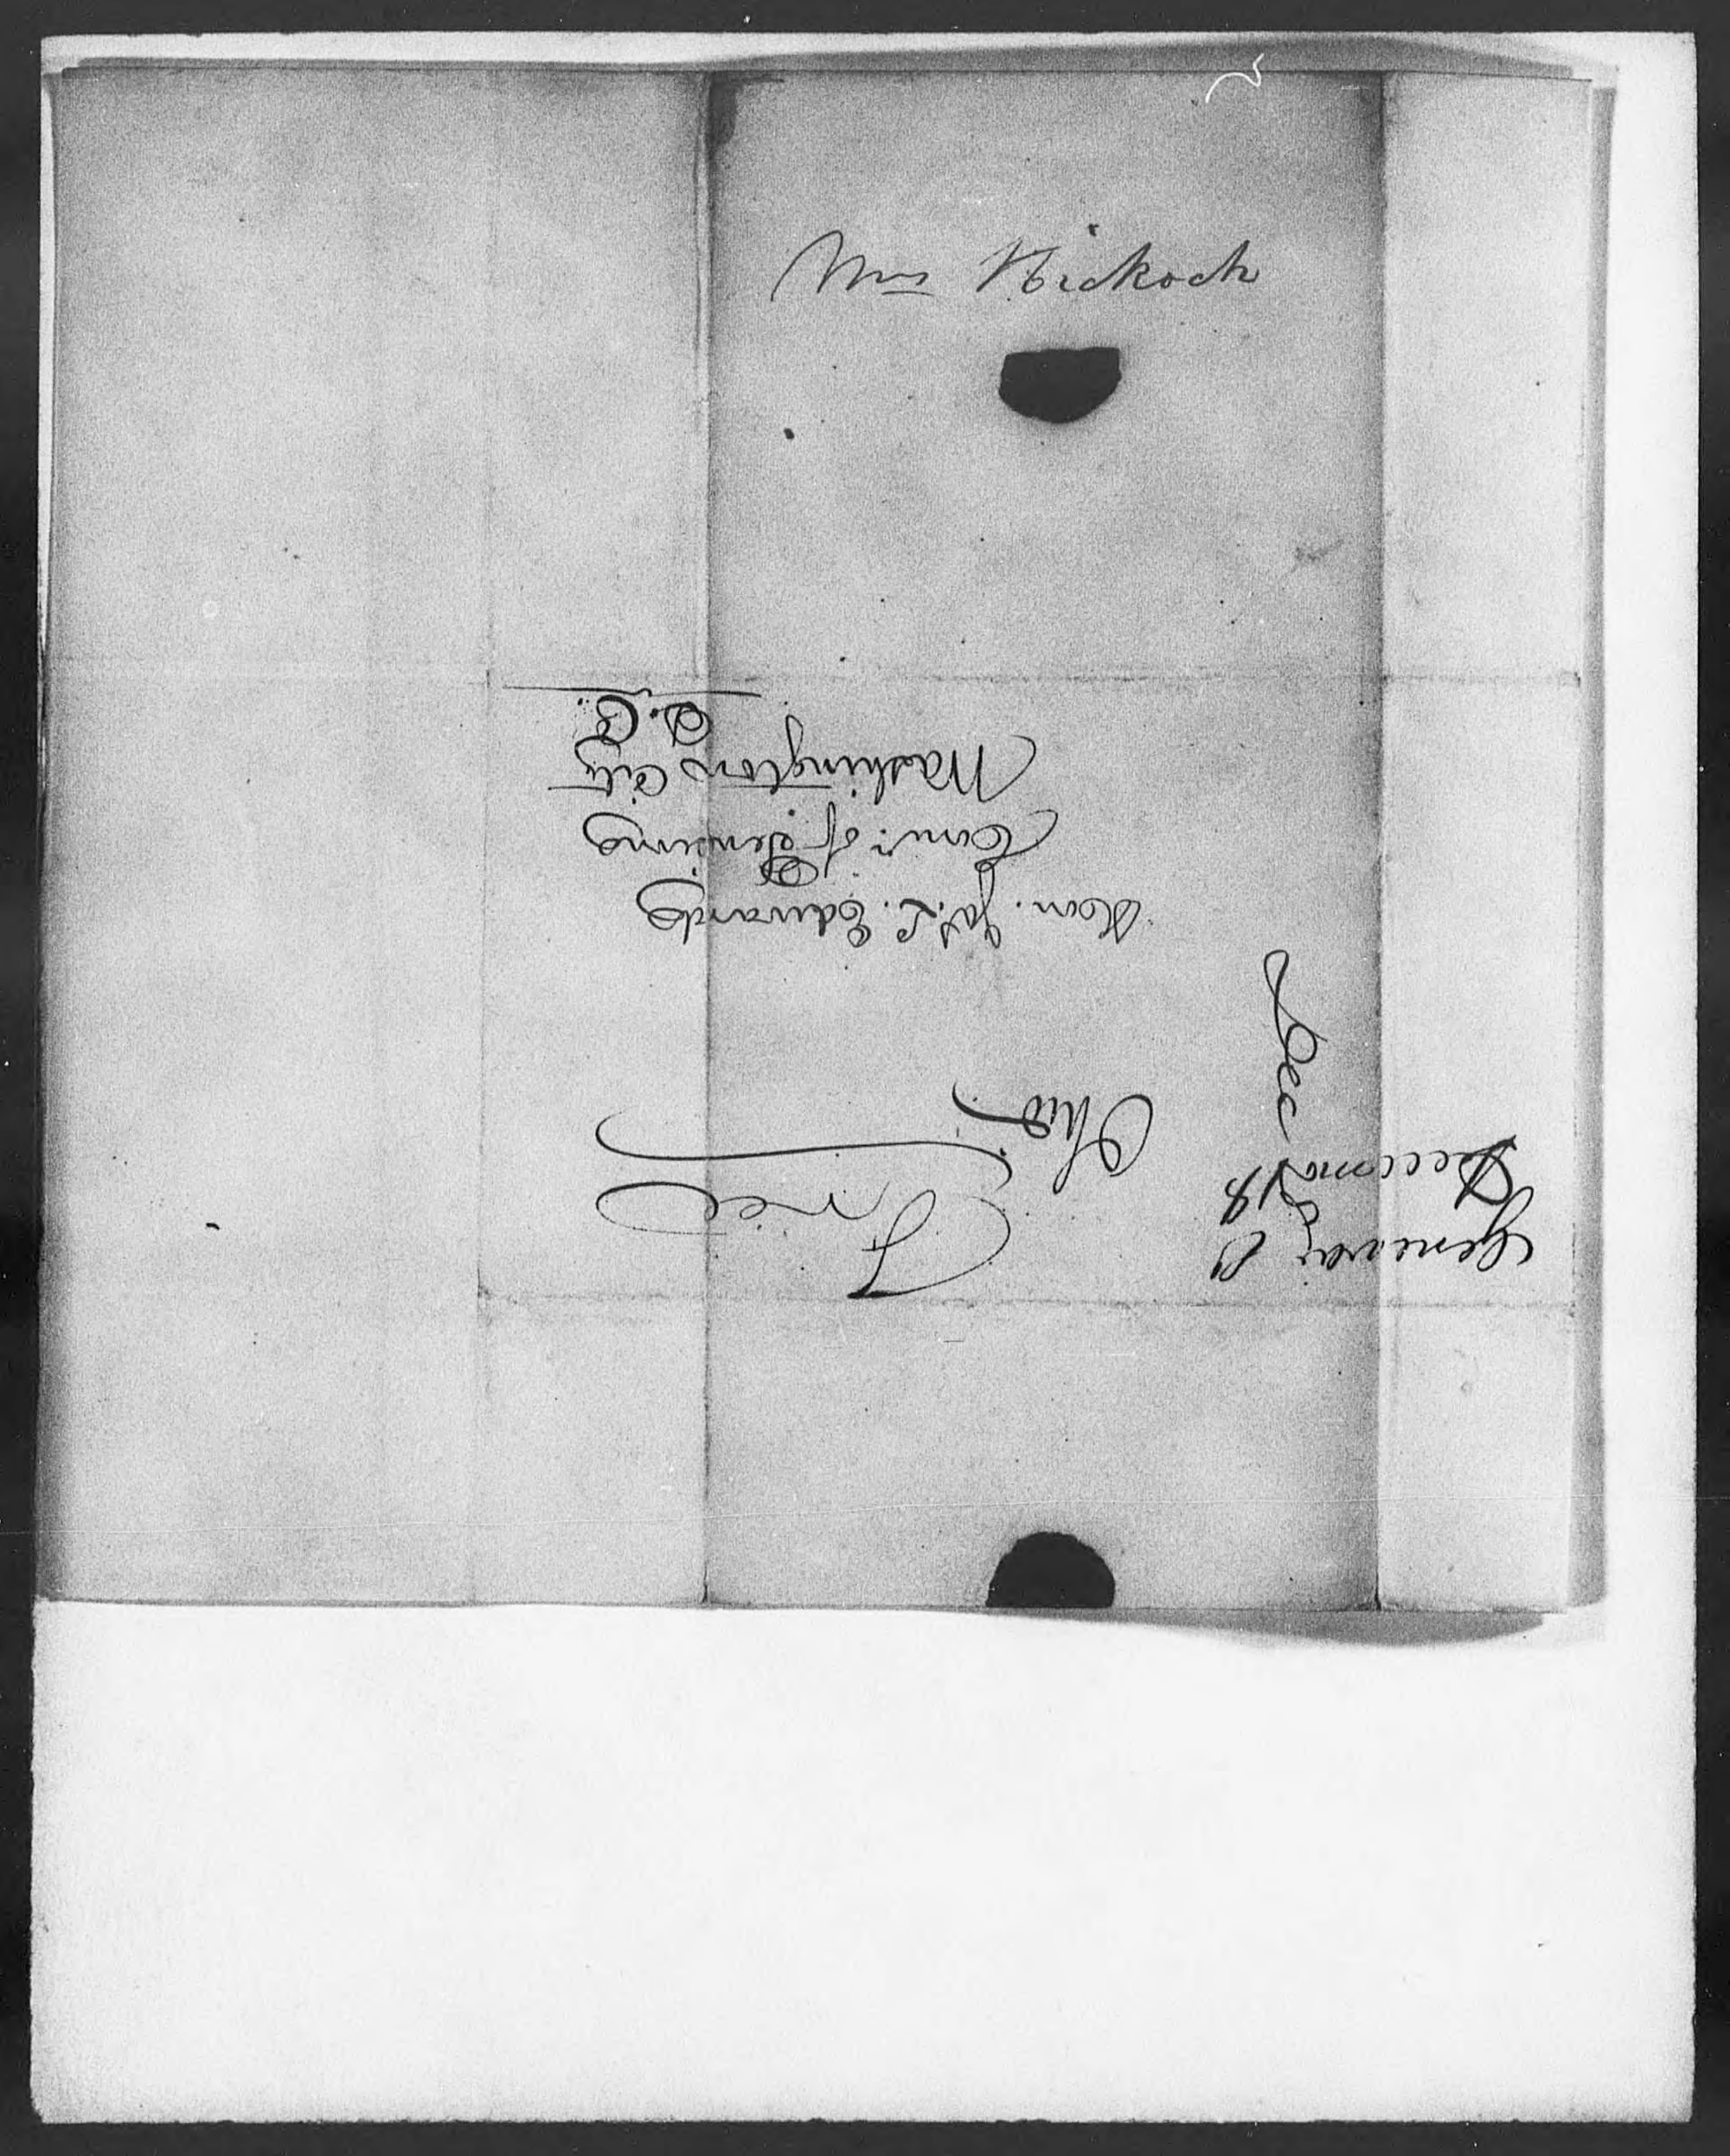Mrs Hickock
[upside down] Genevai O
Decem [illegible] 18
Free 
Ohio
Dec
Hon. Jas [James] L. Edwards
Comr [Commissioner] of Pensions
Washington City
D.C.
[upside down] Mrs Hickock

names: Jas L Edwards, Hickok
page: 37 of 45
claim: widow's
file: W. 4988, Durlin Hickok, Mass.